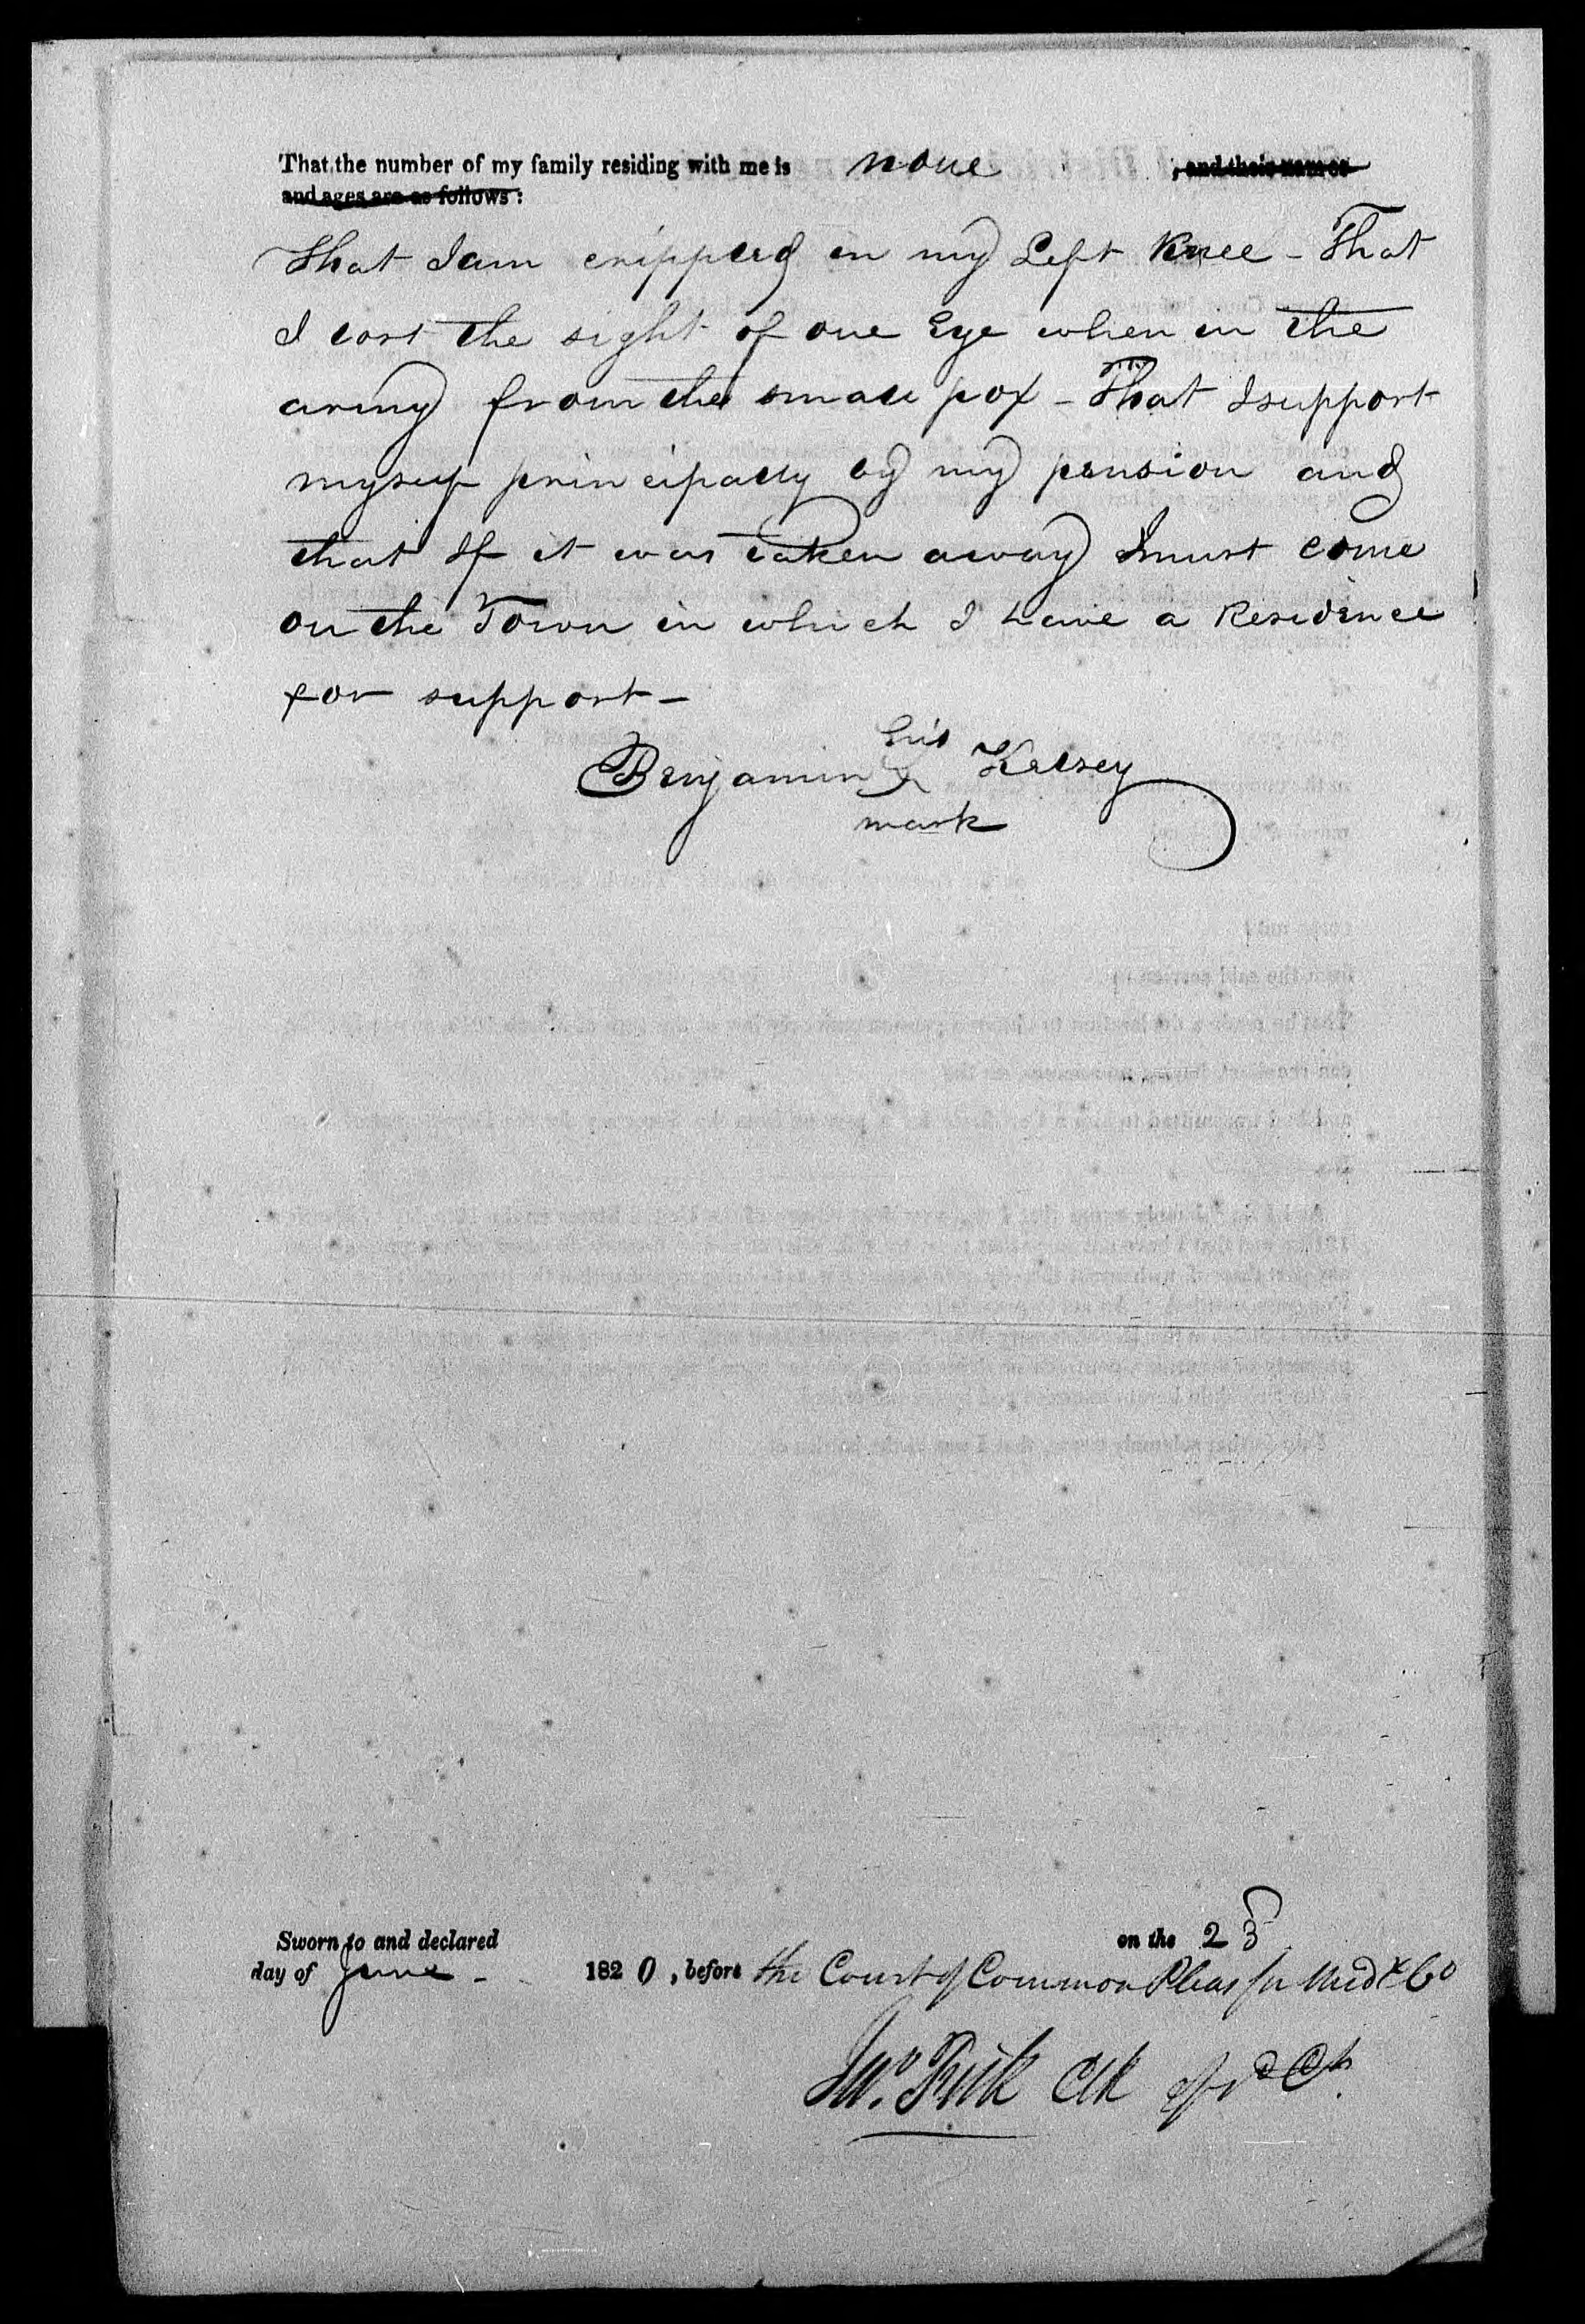That the number of my family residing with me is none  
That I am crippled in my left Knee,  That I lost the sight of one eye when in the army from the small pox - That I support 1 myself principally by my pension and that if it was taken away I must come on the Town in which I have a Residence for support  
Benjamin Kelsey x his mark   
Sworn to and declared on the 23rd day of June 1820, before the Court of Common Pleas for Midx Co. 
Jno Fisk Clk of Ct.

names: Jno Fisk; Benjamin Kelsey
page: 5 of 21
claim: survivor's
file: S. 36676, for Benjamin Kelsey, Connecticut